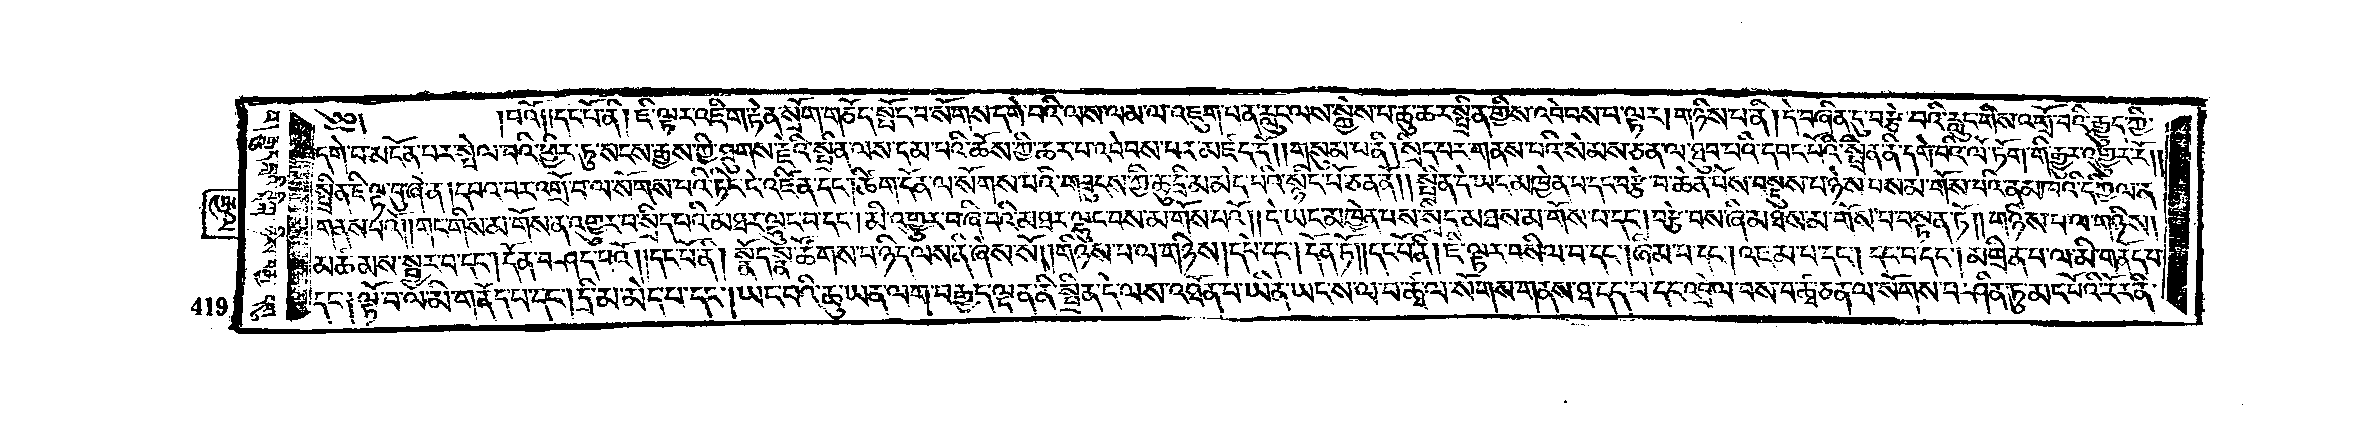༄༅། །བའོ། །དང་པོ་ནི། ཇི་ལྟར་འཇིག་རྟེན་སྲོག་གཅོད་སྤོང་བ་སོགས་དགེ་བའི་ལས་ལམ་ལ་འཇུག་པ་ན་རླུང་ལས་སྐྱེས་པ་ཆུ་ཆར་སྤྲིན་གྱིས་འབེབས་པ་ལྟར། གཉིས་པ་ནི། དེ་བཞིན་དུ་བརྩེ་བའི་རླུང་གིས་འགྲོ་བའི་རྒྱུད་ཀྱི་
དགེ་བ་མངོན་པར་སྤེལ་བའི་ཕྱིར་ཏུ་སངས་རྒྱས་ཀྱི་ཐུགས་རྗེའི་སྤྲིན་ལས་དམ་པའི་ཆོས་ཀྱི་ཆར་པ་འབེབས་པར་མཛད་དོ། །གསུམ་པ་ནི། སྲིད་པར་གནས་པའི་སེམས་ཅན་ལ་ཐུབ་པའི་དབང་པོའི་སྤྲིན་ནི་དགེ་བའི་ལོ་ཏོག་གི་རྒྱུར་འགྱུར་རོ། །
སྤྲིན་ཇི་ལྟ་བུ་ཞེ་ན། དཔའ་བར་འགྲོ་བ་ལ་སོགས་པའི་ཏིང་ངེ་འཛིན་དང་། ཚིག་དོན་ལ་སོགས་པའི་གཟུངས་ཀྱི་ཆུ་དྲི་མ་མེད་པའི་སྙིང་པོ་ཅན་ནོ། །སྤྲིན་དེ་ཡང་མཁྱེན་པ་དང་བརྩེ་བ་ཆེན་པོས་བསྡུས་པ་ཉེ་ས་བསམ་གོས་པའི་ནམ་མཁའི་དཀྱིལ་ན་
གནས་པའོ། །གང་གིས་མ་གོས་ན་འགྱུར་བ་སྲིད་པའི་མཐར་ལྷུང་བ་དང་། མི་འགྱུར་བ་ཞི་བའི་མཐར་ལྷུང་བས་མ་གོས་པའོ། །དེ་ཡང་མཁྱེན་པས་སྲིད་མཐས་མ་གོས་པ་དང་། བརྩེ་བས་ཞི་མཐས་མ་གོས་པ་བསྟན་ཏོ། །གཉིས་པ་ལ་གཉིས།
མཚམས་སྦྱར་བ་དང་། དོན་བཤད་པའོ། །དང་པོ་ནི། སྣོད་སྣ་ཚོགས་པ་ཉིད་ལས་ནི་ཞེས་སོ། །གཉིས་པ་ལ་གཉིས། དཔེ་དང་། དོན་ཏོ། །དང་པོ་ནི། ཇི་ལྟར་བསིལ་བ་དང་། ཞིམ་པ་དང་། འཇམ་པ་དང་། དང་བ་དང་། མགྲིན་པ་ལ་མི་གནོད་པ་
དང་། ལྟོ་བ་ལ་མི་གནོད་པ་དང་། དྲི་མ་མེད་པ་དང་། ཡང་བའི་ཆུ་ཡན་ལག་བརྒྱད་ལྡན་ནི་སྤྲིན་དེ་ལས་འཐོན་པ་ཡིན་ཡང་ས་ལ་བ་ཚྭ་ལ་སོགས་གནས་ཐ་དད་པ་དང་འབྲེལ་བས་བ་ཚྭ་ཅན་ལ་སོགས་པ་ཤིན་ཏུ་མང་པོའི་རོར་ནི་